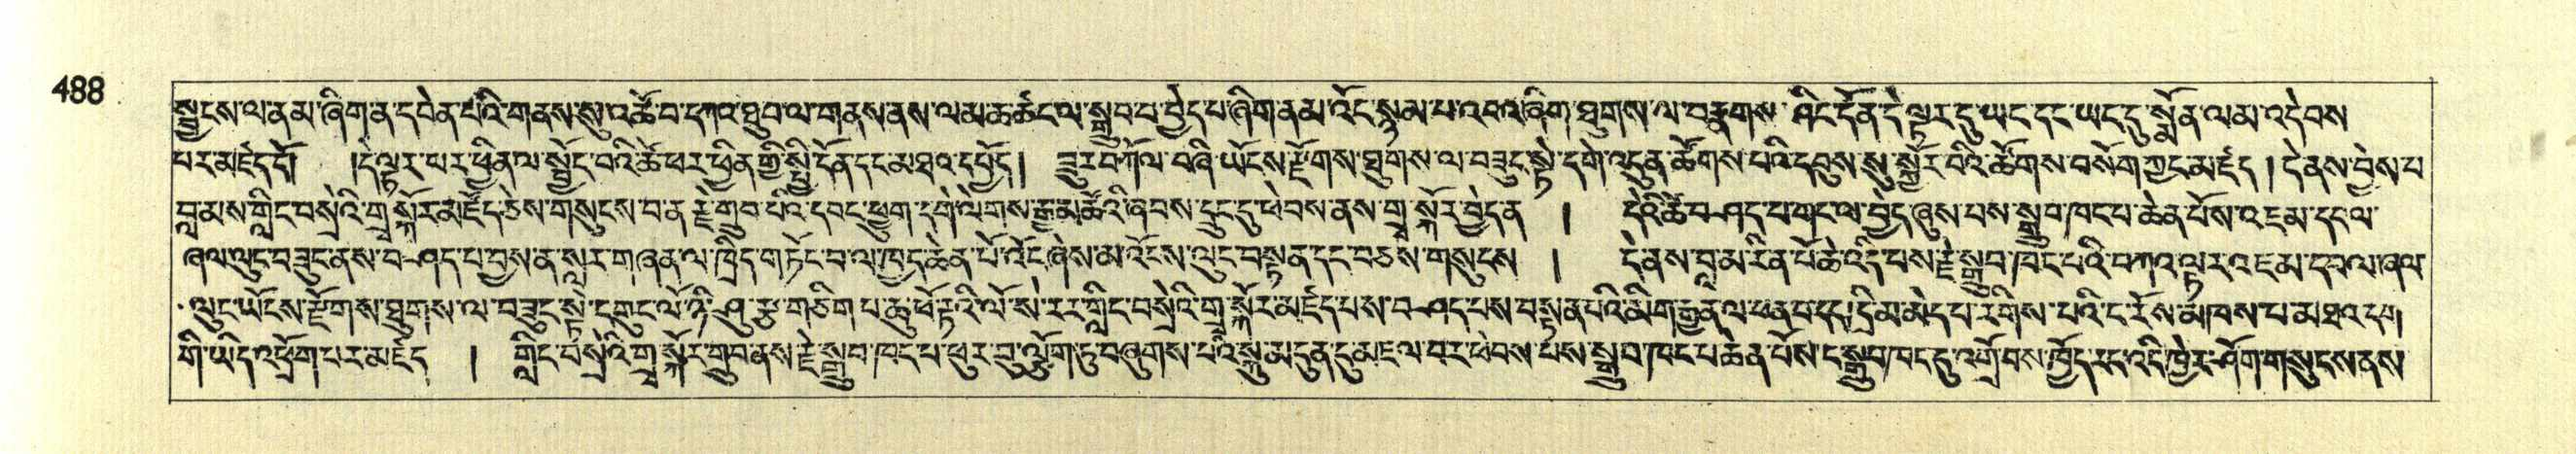སྦྱངས་ལ་ནམ་ཞིག་ན་དབེན་པའི་གནས་སུ་འཚོ་བ་དཀའ་ཐུབ་ལ་གནས་ནས་ལམ་ཆ་ཚང་ལ་སྒྲུབ་པ་བྱེད་པ་ཞིག་ནམ་འོང་སྙམ་པ་འབའ་ཞིག་ཐུགས་ལ་བརྣགས་ཤིང་དོན་དེ་ལྟར་དུ་ཡང་དང་ཡང་དུ་སྨོན་ལམ་འདེབས་
པར་མཛད་དོ། །དེ་ལྟར་པར་ཕྱིན་ལ་སྦྱོད་བའི་ཚེ་ཕར་ཕྱིན་གྱི་སྤྱི་དོན་དང་མཐའ་དཔྱོད། ཟུར་བཀོལ་བཞི་ཡོངས་རྫོགས་ཐུགས་ལ་བཟུང་སྟེ་དགེ་འདུན་ཚོགས་པའི་དབུས་སུ་སྐྱོར་བའི་ཚོགས་བསོག་ཀྱང་མཛད་།དེ་ནས་བྱེས་པ་
བླ་མས་གླིང་བསྲེའི་གྲྭ་སྐོར་མཛོད་ཅེས་གསུངས་བ་ན་རྗེ་གྲུབ་པའི་དབང་ཕྱུག་དགེ་ལེགས་རྒྱ་མཚོའི་ཞབས་དྲུང་དུ་ཕེབས་ནས་གྲྭ་སྐོར་བྱེད་ན། དེའི་ཚེ་བཤད་པ་གང་ལ་བྱེད་ཞུས་པས་སྒྲུབ་ཁང་པ་ཆེན་པོས་འཇམ་དཔལ་
ཞལ་ལུང་བཟུང་ནས་བཤད་པ་བྱས་ན་སླར་གཞན་ལ་ཁྲིད་གཏོང་བ་ལ་ཁྱད་ཆེན་པོ་འོད་ཞེས་མ་འོངས་ལུང་བསྟན་དང་བཅས་གསུངས་།དེ་ནས་བླ་མ་རིན་པོ་ཆེ་འདི་བས་རྗེ་སྒྲུབ་ཁང་པའི་བཀའ་ལྟར་འཇམ་དཔལ་ཞལ་
ལུང་ཡོངས་རྫོགས་ཐུགས་ལ་བཟུང་སྟེ་དགུང་ལོ་ཉི་ཤུ་རྩ་གཅིག་པ་ཆུ་ཕོ་རྟའི་ལོ་སེ་རར་གླིང་བསྲེའི་གྲྭ་སྐོར་མཛད་པས་བཤད་པས་བསྟན་པའི་མིག་རྒྱན་ལ་ཕན་པ་དང་། དྲི་མ་མེད་པ་རིགས་པའི་ང་རོས་མཁས་པ་མཐའ་དག་
གི་ཡིད་འཕྲོག་པར་མཛད། གླིང་བསྲེའི་གྲྭ་སྐོར་གྲུབ་ནས་རྗེ་སྒྲུབ་ཁང་པ་ཕུར་བུ་ལྕོག་ཏུ་བཞུགས་པའི་སྐུ་མདུན་དུ་མཇལ་བར་ཕེབས་པས་སྒྲུབ་ཁང་པ་ཆེན་པོས་སྒྲུབ་ཁང་དུ་འགྲོ་བས་ཁྱོད་རང་འདི་ཁྱེར་ཤོག་གསུངས་ནས་